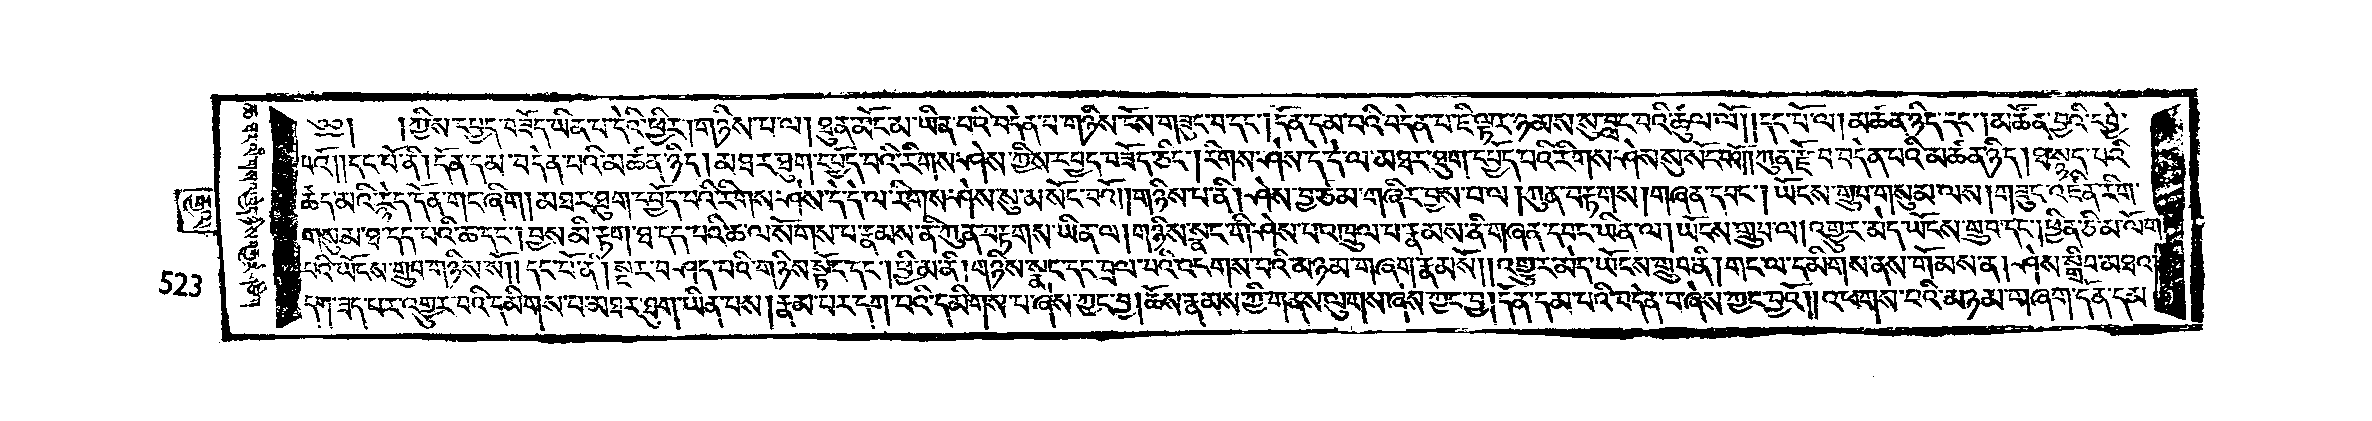༄༅། །ཀྱིས་དཔྱད་བཟོད་ཡིན་པ་དེའི་ཕྱིར། གཉིས་པ་ལ། ཐུན་མོང་མ་ཡིན་པའི་བདེན་པ་གཉིས་ངོས་གཟུང་བ་དང་། དོན་དམ་པའི་བདེན་པ་ཇི་ལྟར་ཉམས་སུ་བླང་བའི་ཚུལ་ལོ། །དང་པོ་ལ། མཚན་ཉིད་དང་། མཚོན་བྱའི་དབྱེ་
བའོ། །དང་པོ་ནི། དོན་དམ་བདེན་པའི་མཚན་ཉིད། མཐར་ཐུག་དཔྱོད་པའི་རིགས་ཤེས་ཀྱིས་དཔྱོད་བཟོད་ཅིང་། རིགས་ཤེས་དེ་དེ་ལ་མཐར་ཐུག་དཔྱོད་པའི་རིགས་ཤེས་སུ་སོང་བའོ། །ཀུན་རྫོབ་བདེན་པའི་མཚན་ཉིད། ཐ་སྙད་པའི་
ཚད་མའི་རྙེད་དོན་གང་ཞིག། མཐར་ཐུག་དཔྱོད་པའི་རིགས་ཤེས་དེ་དེ་ལ་རིགས་ཤེས་སུ་མ་སོང་བའོ། །གཉིས་པ་ནི། ཤེས་བྱ་ཙམ་གཞིར་བྱས་པ་ལ། ཀུན་བརྟགས། གཞན་དབང་། ཡོངས་གྲུབ་གསུམ་ལས། གཟུང་འཛིན་རིག་
གསུམ་ཐ་དད་པའི་ཆ་དང་། བྱས་མི་རྟག་ཐ་དད་པའི་ཆ་ལ་སོགས་པ་རྣམས་ནི་ཀུན་བརྟགས་ཡིན་ལ། གཉིས་སྣང་གི་ཤེས་པ་འཁྲུལ་པ་རྣམས་ནི་གཞན་དབང་ཡིན་ལ། ཡོངས་གྲུབ་ལ། འགྱུར་མེད་ཡོངས་གྲུབ་དང་། ཕྱིན་ཅི་མ་ལོག་
པའི་ཡོངས་གྲུབ་གཉིས་སོ། །དང་པོ་ནི། སྔར་བཤད་པའི་གཉིས་སྟོང་དང་། ཕྱི་མ་ནི། གཉིས་སྣང་དང་བྲལ་བའི་འདོགས་པའི་མཉམ་གཞག་རྣམས་སོ། །འགྱུར་མེད་ཡོངས་གྲུབ་ནི། གང་ལ་དམིགས་ནས་གོམས་ན། ཤེས་སྒྲིབ་མཐའ་
དག་ཟད་པར་འགྱུར་བའི་དམིགས་པ་མཐར་ཐུག་ཡིན་པས། རྣམ་པར་དག་པའི་དམིགས་པ་ཞེས་ཀྱང་བྱ། ཆོས་རྣམས་ཀྱི་གནས་ལུགས་ཞེས་ཀྱང་བྱ། དོན་དམ་པའི་བདེན་པ་ཞེས་ཀྱང་བྱའོ། །འཕགས་པའི་མཉམ་གཞག་དོན་དམ་